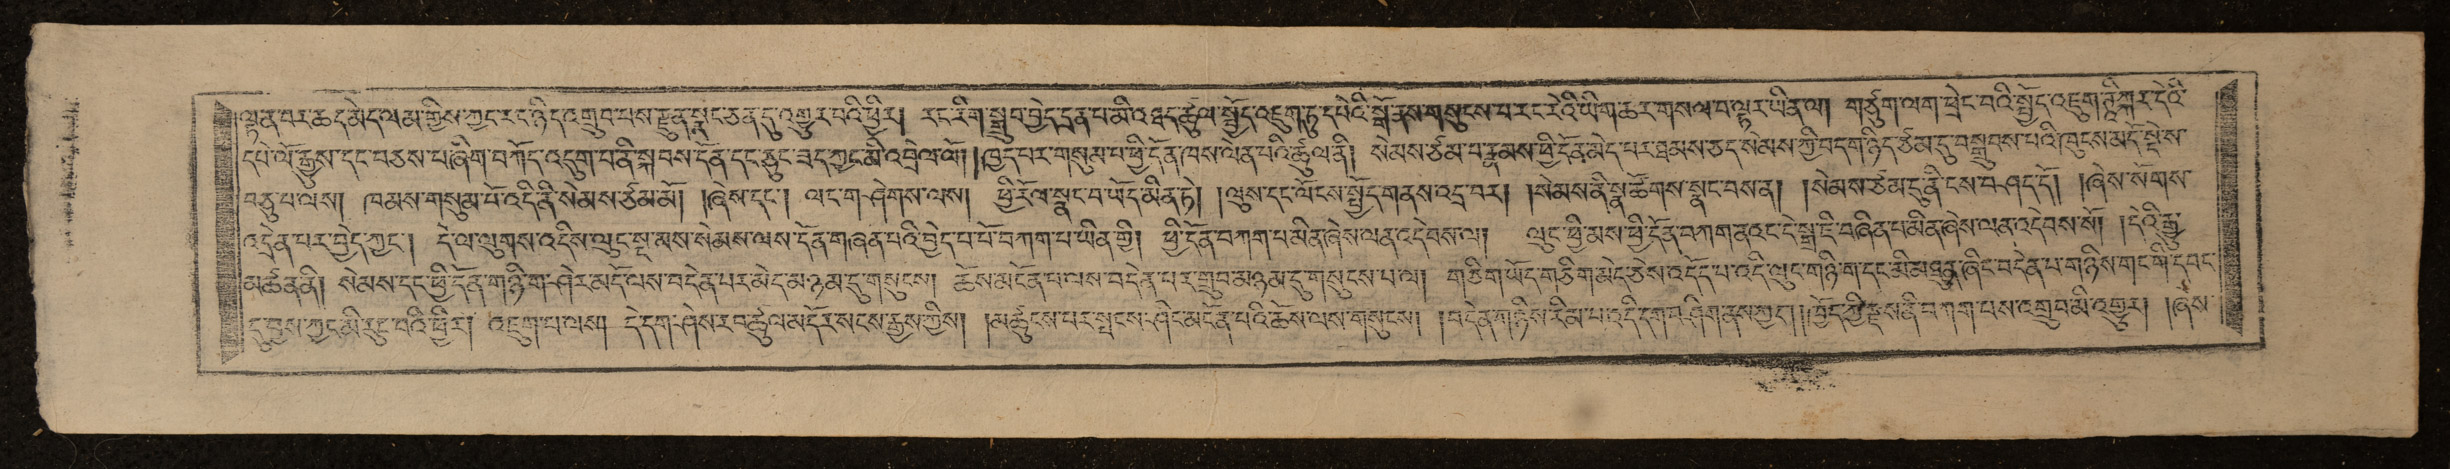ལྟན་བར་ཆད་མེད་ལམ་གྱིས་ཀྱང་རང་ཉིད་འགྲུབ་པས་རྫུན་སྣང་ཅན་དུ་འགྱུར་བའི་ཕྱིར། རང་རིག་སྒྲུབ་བྱེད་དྲན་པ་མི་འཐད་ཚུལ་སྤྱོད་འཇུག་ཏུ་དཔེའི་སྒོ་ནས་གསུངས་པ་རང་རེའི་ཡིག་ཆར་གསལ་བ་ལྟར་ཡིན་ལ། གཙུག་ལག་ཕྲེང་བའི་སྤྱོད་འཇུག་ཊཱིཀྐར་དེའི་
དཔེ་ལོ་རྒྱུས་དང་བཅས་པ་ཞིག་བཀོད་འདུག་པ་ནི་སྐབས་དོན་དང་ཅུང་ཟད་ཀྱང་མི་འབྲེལ་ལོ། །ཁྱད་པར་གསུམ་པ་ཕྱི་དོན་ཁས་ལེན་པའི་ཚུལ་ནི། སེམས་ཙམ་པ་རྣམས་ཕྱི་དོན་མེད་པར་ཐམས་ཅད་སེམས་ཀྱི་བདག་ཉིད་ཙམ་དུ་བསྒྲུབས་པའི་ཁུངས་མདོ་སྡེས་
བཅུ་པ་ལས། ཁམས་གསུམ་པོ་འདི་ནི་སེམས་ཙམ་མོ། །ཞེས་དང་། ལང་གཤེགས་ལས། ཕྱི་རོལ་སནང་བ་ཡོད་མིན་ཏེ། །ལུས་དང་ལོངས་སྤྱོད་གནས་འདྲ་བར། །སེམས་ནི་སྣ་ཚོགས་སྣང་བས་ན། །སེམས་ཙམ་དུ་ནི་ངས་བཤད་དོ། །ཞེས་སོགས་
འདྲེན་པར་བྱེད་ཀྱང་། དེ་ལ་ལུགས་འདིས་ལུང་སྔ་མས་སེམས་ལས་དོན་གཞན་བའི་བྱེད་པ་པོ་བཀག་པ་ཡིན་གྱི། ཕྱི་དོན་བཀག་པ་མིན་ཞེས་ལན་འདེབས་ལ། ལུང་ཕྱི་མས་ཕྱི་དོན་བཀག་ནའང་དེ་སྒྲ་ཇི་བཞིན་བ་མིན་ཞེས་ལན་འདེབས་སོ། །དེའི་རྒྱུ་
མཚན་ནི། སེམས་དང་ཕྱི་དོན་གཉི་ག་ཤེར་མདོ་ལས་བདེན་བར་མེད་མཉམ་དུ་གསུངས། ཆོས་མངོན་བ་ལས་བདེན་བར་གྲུབ་མཉམ་དུ་གསུངས་བ་ལ། གཅིག་ཡོད་གཅིག་མེད་ཅེས་འདོད་བ་འདི་ལུང་གཉི་ག་དང་མི་མཐུན་ཞིང་བདེན་པ་གཉིས་གང་གི་དབང་
དུ་བྱས་ཀྱང་མི་རུང་བའི་ཕྱིར། འཇུག་པ་ལས། དེ་དག་ཤེས་རབ་ཚུལ་མདོར་སངས་རྒྱས་ཀྱིས། །མཆུངས་བར་སྤངས་ཤིང་མངོན་བའི་ཆོས་ལས་གསུངས། །བདེན་གཉིས་རིམ་པ་འདི་དག་བཞིག་ནས་ཀྱང་། །ཁྱོད་ཀྱི་རྫས་ནི་བཀག་པས་འགྲུབ་མི་འགྱུར། །ཞེས་